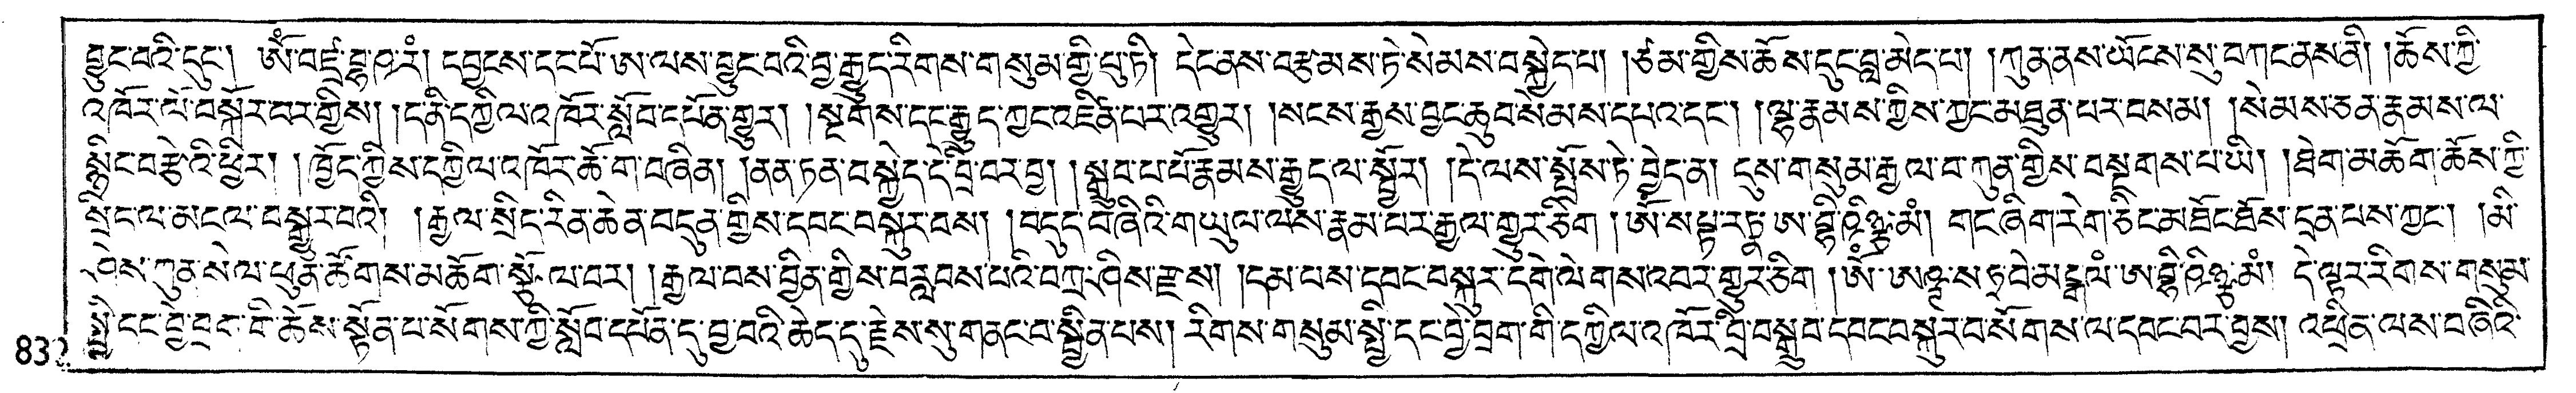བྱུང་བའི་དུང་། ཨོཾ་བཛྲ་བྷ་ཥ་རཾ། དབྱངས་དང་པོ་ཨ་ལས་བྱུང་བའི་བྱ་རྒྱུད་རིགས་གསུམ་གྱི་པུ་ཏི། དེང་ནས་བརྩམས་ཏེ་སེམས་བསྐྱེད་པ། །ཙམ་གྱིས་ཆོས་དུང་བླ་མེད་པ། །ཀུན་ནས་ཡོངས་སུ་བཀང་ནས་ནི། །ཆོས་ཀྱི་
འཁོར་ལོ་བསྐོར་བར་གྱིས། །ད་ནི་དཀྱིལ་འཁོར་སློབ་དཔོན་གྱུར། །སྔགས་དང་རྒྱུད་ཀྱང་འཛིན་པར་འགྱུར། །སངས་རྒྱས་བྱང་ཆུབ་སེམས་དཔའ་དང་། །ལྷ་རྣམས་ཀྱིས་ཀྱང་མཐུན་པར་བསམ། །སེམས་ཅན་རྣམས་ལ་
སྙིང་བརྩེའི་ཕྱིར། །ཁྱོད་ཀྱིས་དཀྱིལ་འཁོར་ཆོ་ག་བཞིན། །ནན་ཏན་བསྐྱེད་དེ་བྲི་བར་བྱ། །སྒྲུབ་པ་པོ་རྣམས་རྒྱུད་ལ་སྦྱོར། །དེ་ལས་སྤྲོས་ཏེ་བྱེད་ན། དུས་གསུམ་རྒྱལ་བ་ཀུན་གྱིས་བསྔགས་པ་ཡི། །ཐེག་མཆོག་ཆོས་ཀྱི་
སྲིད་ལ་མངལ་བསྒྱུར་བའི། །རྒྱལ་སྲིད་རིན་ཆེན་བདུན་གྱིས་དབང་བསྐུར་བས། །བདུད་བཞིའི་གཡུལ་ལས་རྣམ་པར་རྒྱལ་གྱུར་ཅིག །ཨོཾ་སཔྟ་རཏྣ་ཨ་བྷི་ཥིཉྩ་མཾ། གང་ཞིག་རེག་ཅིང་མཐོང་ཐོས་དྲན་པས་ཀྱང་། །མི་
ཤེས་ཀུན་སེལ་ཕུན་ཚོགས་མཆོག་སྩོལ་བར། །རྒྱལ་བས་བྱིན་གྱིས་བརླབས་པའི་བཀྲ་ཤིས་རྫས། །དམ་པས་དབང་བསྐུར་དགེ་ལེགས་འབར་གྱུར་ཅིག །ཨོཾ་ཨཥྚ་ས་ཏྲ་བེ་མངྒ་ལཾ་ཨ་བྷི་ཥིཉྩ་མཾ། དེ་ལྟར་རིགས་གསུམ་
སྤྱི་དང་བྱེ་བྲག་གི་ཆོས་སྟོན་པ་སོགས་ཀྱི་སློབ་དཔོན་དུ་བྱ་བའི་ཆེད་དུ་རྗེས་སུ་གནང་བ་སྦྱིན་པས། རིགས་གསུམ་སྤྱི་དང་བྱེ་བྲག་གི་དཀྱིལ་འཁོར་བྲི་བསྒྲུབ་དབང་བསྐུར་བ་སོགས་ལ་དབང་བར་བྱས། འཕྲིན་ལས་བཞིའི་